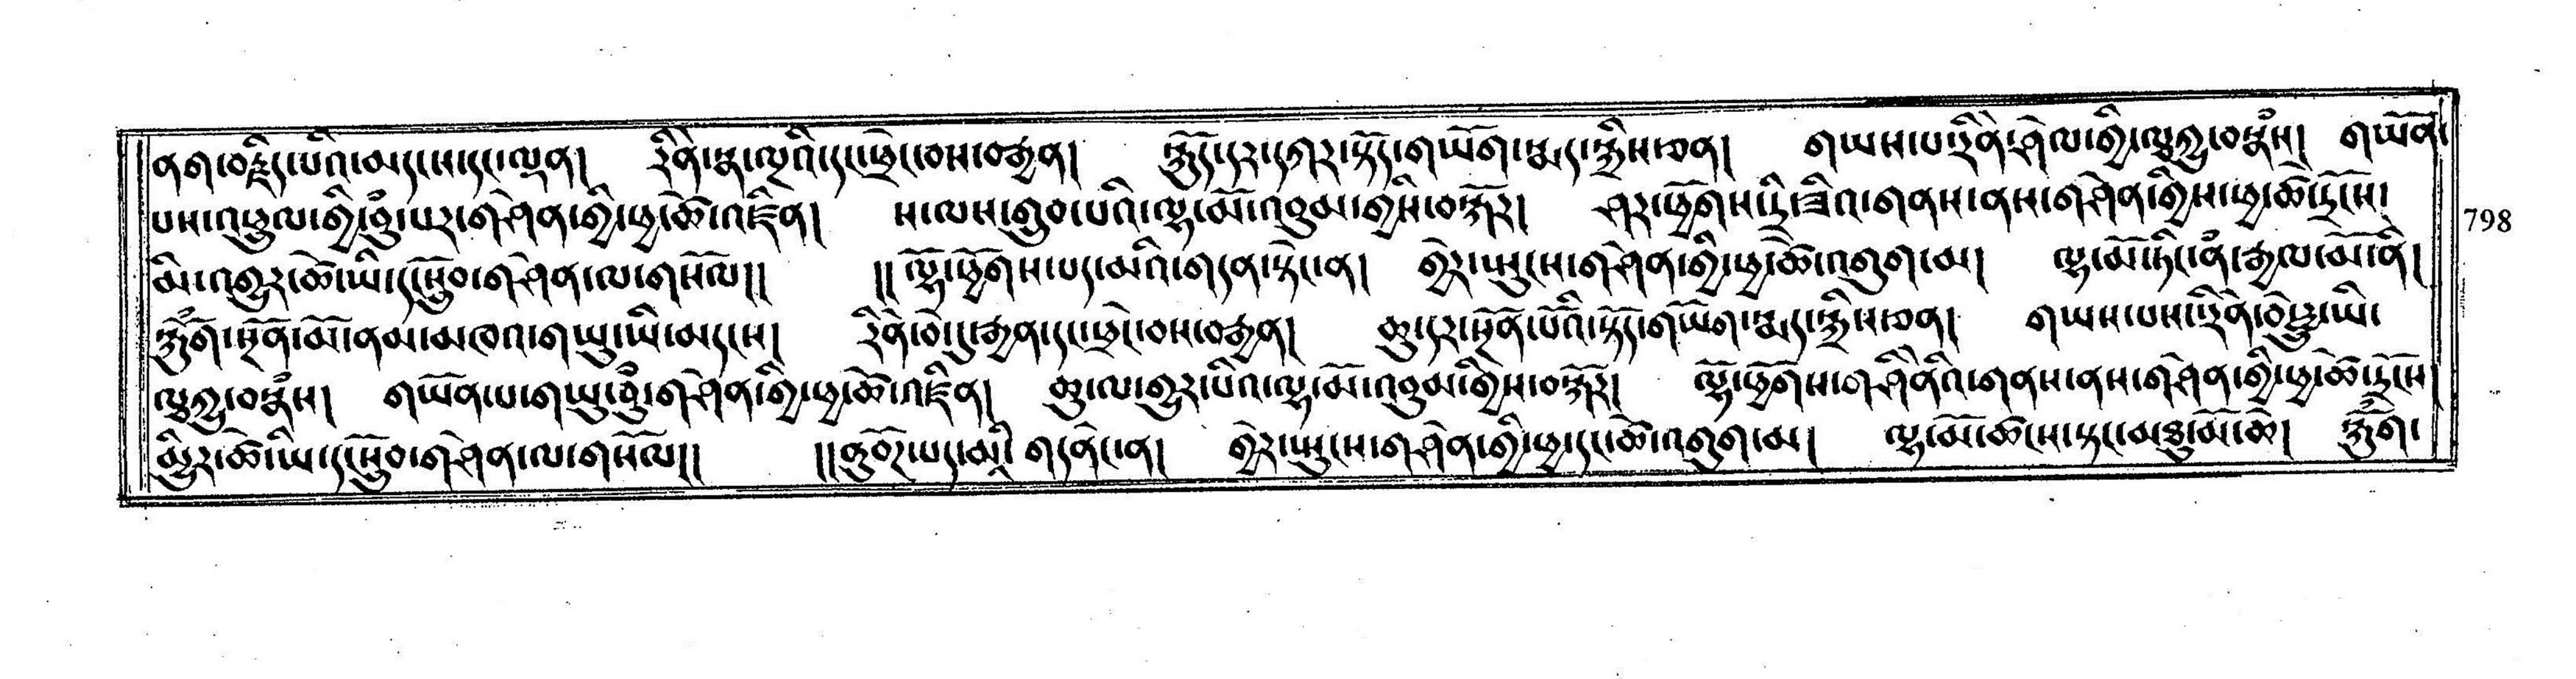ནག་བརྗིད་པའི་མདངས་དང་ལྡན། རིན་ཆེན་སྣ་ལྔའི་ཕྲེང་བས་བརྒྱན། སྐུ་སྟོད་དར་དཀར་སྟོད་གཡོག་སྨད་སྐྲིས་ཅན། གཡས་པ་རིན་ཆེན་ཤེལ་གྱི་ལྕག་ཀྱུ་བསྣམས། གཡོན་
པས་འཕྲུལ་གྱི་བུམ་པར་གཤེན་གྱི་ཕྱ་ཚེ་འཛིན། ས་ལས་གྲུབ་པའི་ལྷ་མོ་འབུམ་གྱིས་བསྐོར། ཤར་ཕྱོགས་དྲི་ཟའི་གནས་ནས་གཤེན་གྱིས་ཕྱ་ཚེ་དྲོངས། 
མི་འགྱུར་ཚེ་ཡི་དངོས་གྲུབ་གཤེན་ལ་གསོལ།། །།ལྷོ་ཕྱོགས་པད་མའི་གདན་སྟེང་ན། གྱེར་སྤུངས་གཤེན་གྱི་ཕྱ་ཚེ་འགུག་མ། ལྷ་མོ་ཏིང་ནམ་རྒྱལ་མོ་ནི། 
སྐུ་མདོག་སྔོན་མོ་ནམ་མཁའ་གཡུ་ཡི་མདངས། རིན་ཆེན་བེ་དུ་རྒྱ་༼བཱཻ་ཌྲཱུརྱ་༽དང་ཕྲེང་བས་བརྒྱན། ཆུ་དར་སྔོན་པོའི་སྟོད་གཡོག་སྨད་སྐྲིས་ཅན། གཡས་པས་རིན་ཆེན་བཱཻཌྲཱུརྱ་ཡི་
ལྕག་ཀྱུ་བསྣམས། གཡོན་པ་གཡུ་བུམ་གཤེན་གྱི་ཕྱ་ཚེ་འཛིན། ཆུ་ལ་གྱུར་པའི་ལྷ་མོ་འབུམ་གྱིས་བསྐོར། ལྷོ་ཕྱོགས་གཤིན་རྗེའི་གནས་ནས་གཤེན་གྱི་ཕྱ་ཚེ་དྲོངས། 
མི་འགྱུར་ཚེ་ཡི་དངོས་གྲུབ་གཤེན་ལ་གསོལ།། །།ནུབ་ཕྱོགས་པད་མའི་གདན་སྟེང་ན། གྱེར་སྤུངས་གཤེན་གྱི་ཕྱ་དང་ཚེ་འགུག་མ། ལྷ་མོ་ཚངས་སྟང་མཐུ་མོ་ཆེ། སྐུ་མདོག་